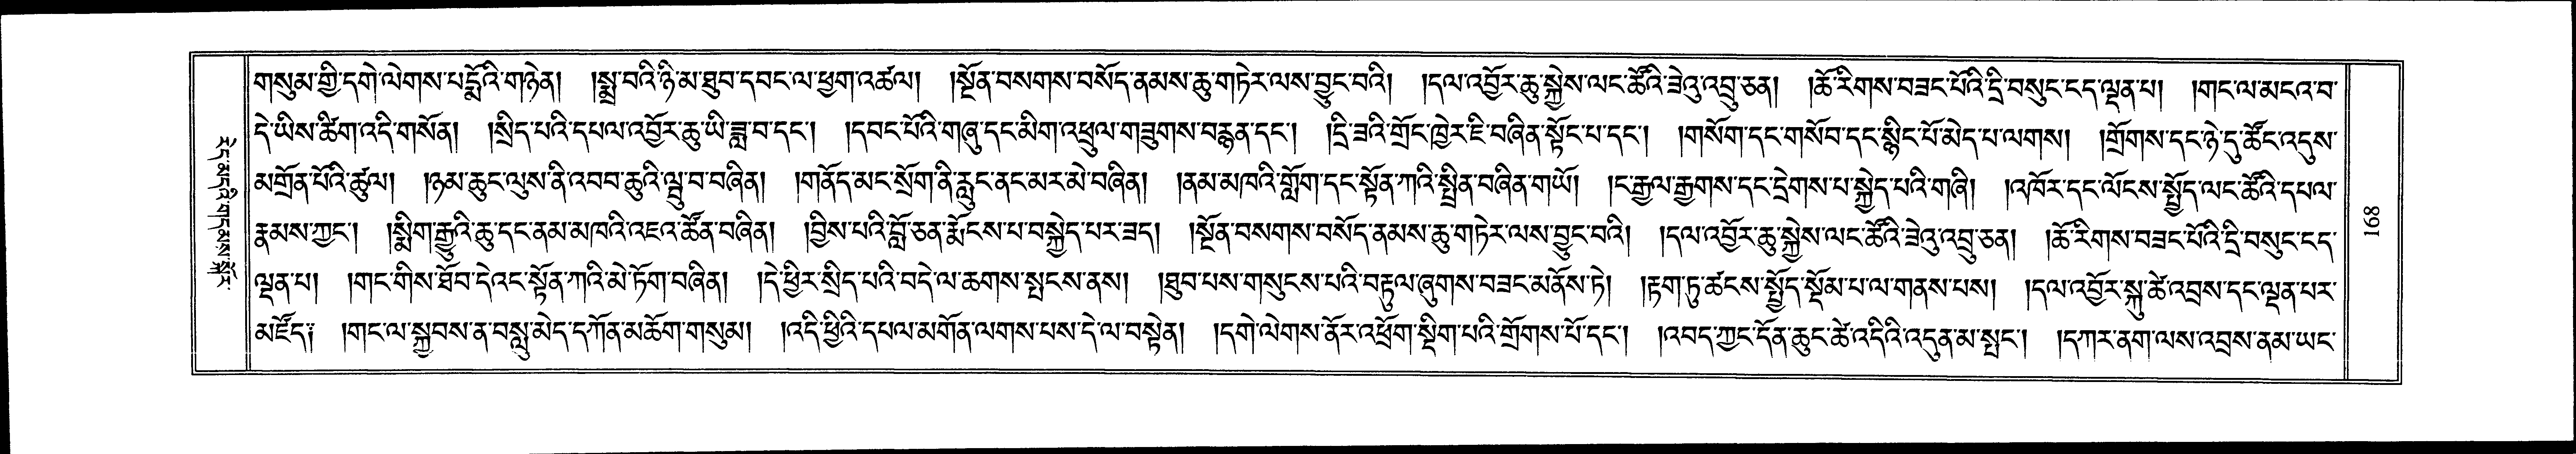གསུམ་གྱི་དགེ་ལེགས་པདམོའི་གཉེན། །སྨྲ་བའི་ཉི་མ་ཐུབ་དབང་ལ་ཕྱག་འཚལ། །སྔོན་བསགས་བསོད་ནམས་ཆུ་གཏེར་ལས་བྱུང་བའི། །དལ་འབྱོར་ཆུ་སྐྱེས་ལང་ཚོའི་ཟེའུ་འབྲུ་ཅན། །ཆོ་རིགས་བཟང་པོའི་དྲི་བསུང་ངད་ལྡན་པ། །གང་ལ་མངའ་བ་
དེ་ཡིས་ཚིག་འདི་གསོན། །སྲིད་པའི་དཔལ་འབྱོར་ཆུ་ཡི་ཟླ་བ་དང་། །དབང་པོའི་གཞུ་དང་མིག་འཕྲུལ་གཟུགས་བརྙན་དང་། །དྲི་ཟའི་གྲོང་ཁྱེར་ཇི་བཞིན་སྟོང་པ་དང་། །གསོག་དང་གསོབ་དང་སྙིང་པོ་མེད་པ་ལགས། །གྲོགས་དང་ཉེ་དུ་ཚོང་འདུས་
མགྲོན་པོའི་ཚུལ། །ཉམ་ཆུང་ལུས་ནི་འབབ་ཆུའི་ལྦུ་བ་བཞིན། །གནོད་མང་སྲོག་ནི་རླུང་ནང་མར་མེ་བཞིན། །ནམ་མཁའི་གློག་དང་སྟོན་ཀའི་སྤྲིན་བཞིན་གཡོ། །ང་རྒྱལ་རྒྱགས་དང་དྲེགས་པ་སྐྱེད་པའི་གཞི། །འཁོར་དང་ལོངས་སྤྱོད་ལང་ཚོའི་དཔལ་
རྣམས་ཀྱང་། །སྨིག་རྒྱུའི་ཆུ་དང་ནམ་མཁའི་འཇའ་བཞིན། །བྱིས་པའི་བློ་ཅན་རྨོངས་པ་བསྐྱེད་པར་ཟད། །སྔོན་བསགས་བསོད་ནམས་ཆུ་གཏེར་ལས་བྱུང་བའི། །དལ་འབྱོར་ཆུ་སྐྱེས་ལང་ཚོའི་ཟེའུ་འབྲུ་ཅན། །ཆོ་རིགས་བཟང་པོའི་དྲི་བསུང་ངད་
ལྡན་པ། །གང་གིས་ཐོབ་དེའང་སྟོན་ཀའི་མེ་ཏོག་བཞིན། །དེ་ཕྱིར་སྲིད་པའི་བདེ་ལ་ཆགས་སྤངས་ནས། །ཐུབ་པས་གསུངས་པའི་བརྟུལ་ཞུགས་བཟང་མནོས་ཏེ། །རྟག་ཏུ་ཚངས་སྤྱོད་སྡོམ་པ་ལ་གནས་པས། །དལ་འབྱོར་སྐུ་ཚེ་འབྲས་དང་ལྡན་པར་
མཛོད། །གང་ལ་སྐྱབས་ན་བསླུ་མེད་དཀོན་མཆོག་གསུམ། །འདི་ཕྱིའི་དཔལ་མགོན་ལགས་པས་དེ་ལ་བསྟེན། །དགེ་ལེགས་ནོར་འཕྲོག་སྡིག་པའི་གྲོགས་པོ་དང་། །འབད་ཀྱང་དོན་ཆུང་ཚེ་འདིའི་འདུན་མ་སྤང་། །དཀར་ནག་ལས་འབྲས་ནམ་ཡང་